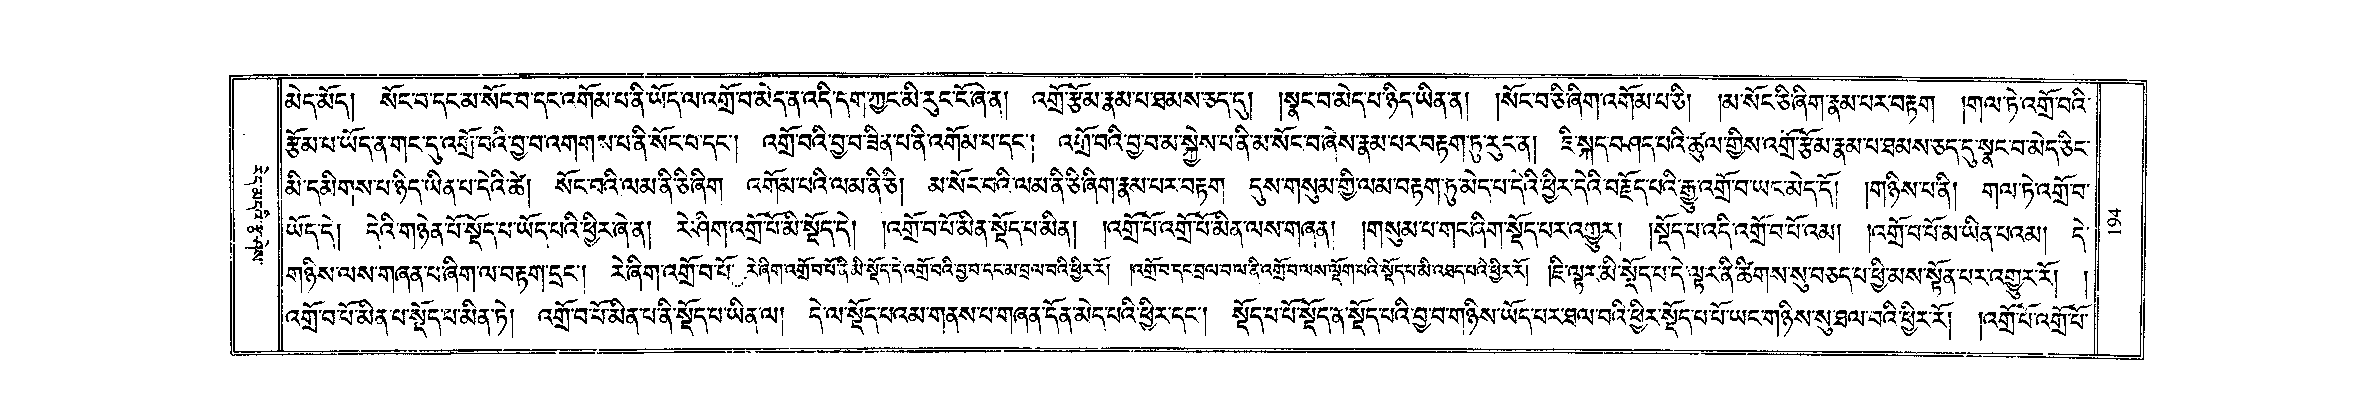མེད་མོད། སོང་བ་དང་མ་སོང་བ་དང་འགོམ་པ་ནི་ཡོད་ལ་འགྲོ་བ་མེད་ན་འདི་དག་ཀྱང་མི་རུང་ངོ་ཞེ་ན། འགྲོ་རྩོམ་རྣམ་པ་ཐམས་ཅད་དུ། །སྣང་བ་མེད་པ་ཉིད་ཡིན་ན། །སོང་བ་ཅི་ཞིག་འགོམ་པ་ཅི། །མ་སོང་ཅི་ཞིག་རྣམ་པར་བརྟག །གལ་ཏེ་འགྲོ་བའི་
རྩོམ་པ་ཡོད་ན་གང་དུ་འགྲོ་བའི་བྱ་བ་འགགས་པ་ནི་སོང་བ་དང་། འགྲོ་བའི་བྱ་བ་ཟིན་པ་ནི་འགོམ་པ་དང་། འགྲོ་བའི་བྱ་བ་མ་སྐྱེས་པ་ནི་མ་སོང་བ་ཞེས་རྣམ་པར་བརྟག་ཏུ་རུང་ན། ཇི་སྐད་བཤད་པའི་ཚུལ་གྱིས་འགྲོ་རྩོམ་རྣམ་པ་ཐམས་ཅད་དུ་སྣང་བ་མེད་ཅིང་
མི་དམིགས་པ་ཉིད་ཡིན་པ་དེའི་ཚེ། སོང་བའི་ལམ་ནི་ཅི་ཞིག་འགོམ་པའི་ལམ་ནི་ཅི། མ་སོང་བའི་ལམ་ནི་ཅི་ཞིག་རྣམ་པར་བརྟག་དུས་གསུམ་གྱི་ལམ་བརྟག་ཏུ་མེད་པ་དེའི་ཕྱིར་དེའི་བརྗོད་པའི་རྒྱུ་འགྲོ་བ་ཡང་མེད་དོ། །གཉིས་པ་ནི། གལ་ཏེ་འགྲོ་བ་
ཡོད་དེ། དེའི་གཉེན་པོ་སྡོད་པ་ཡོད་པའི་ཕྱིར་ཞེ་ན། རེ་ཤིག་འགྲོ་པོ་མི་སྡོད་དེ། །འགྲོ་བ་པོ་མིན་སྡོད་པ་མིན། །འགྲོ་པོ་འགྲོ་པོ་མིན་ལས་གཞན། །གསུམ་པ་གང་ཞིག་སྡོད་པར་འགྱུར། །སྡོད་པ་འདི་འགྲོ་བ་པོའམ། །འགྲོ་བ་པོ་མ་ཡིན་པའམ། དེ་
གཉིས་ལས་གཞན་པ་ཞིག་ལ་བརྟག་དྲང་། རེ་ཞིག་འགྲོ་བ་པོ་རེ་ཞིག་འགྲོ་བ་པོ་ནི་མི་སྡོད་དེ་འགྲོ་བའི་བྱ་བ་དང་མ་བྲལ་བའི་ཕྱིར་རོ། །འགྲོ་བ་དང་བྲལ་བ་ལ་ནི་འགྲོ་བ་ལས་ལྡོག་པའི་སྡོད་པ་མི་འཐད་པའི་ཕྱིར་རོ།  །ཇི་ལྟར་མི་སྡོད་པ་དེ་ལྟར་ནི་ཚིགས་སུ་བཅད་པ་ཕྱི་མས་སྟོན་པར་འགྱུར་རོ། །
འགྲོ་བ་པོ་མིན་པ་སྡོད་པ་མིན་ཏེ། འགྲོ་བ་པོ་མིན་པ་ནི་སྡོད་པ་ཡིན་ལ། དེ་ལ་སྡོད་པའམ་གནས་པ་གཞན་དོན་མེད་པའི་ཕྱིར་དང་། སྡོད་པ་པོ་སྡོད་ན་སྡོད་པའི་བྱ་བ་གཉིས་ཡོད་པར་ཐལ་བའི་ཕྱིར་སྡོད་པ་པོ་ཡང་གཉིས་སུ་ཐལ་བའི་ཕྱིར་རོ། །འགྲོ་པོ་འགྲོ་པོ་